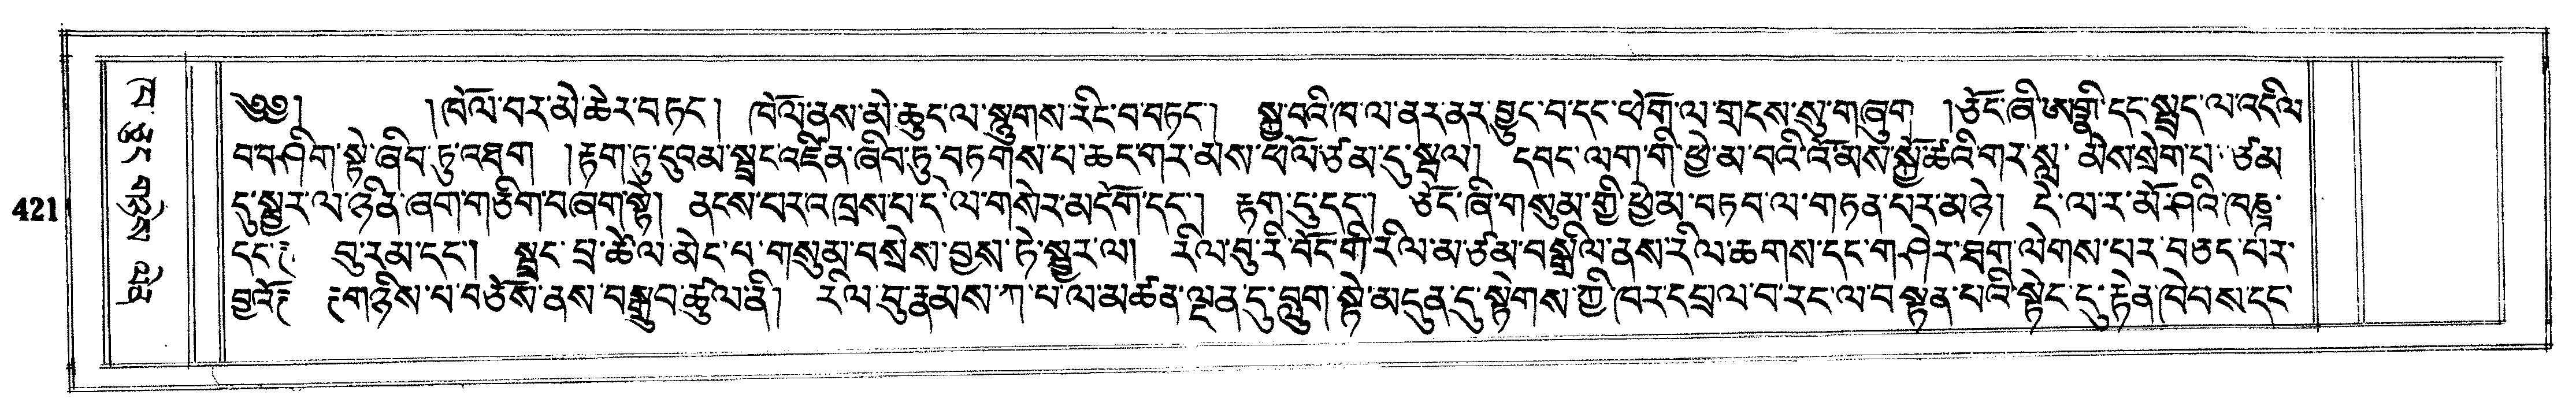༄༅། །ཁོལ་བར་མེ་ཆེར་བཏང་། ཁོལ་ནས་མེ་ཆུང་ལ་སྙུགས་རིང་བ་བཏང་། སྐྱ་བའི་ཁ་ལ་ནར་ནར་བྱུང་བ་དང་ཕོག་ལ་གྲངས་སུ་གཞུག །ཅོང་ཞི་ཨགནི་དང་སྤྲད་ལ་འདིལ་
བ་བཞིག་སྟེ་ཞིབ་ཏུ་འཐག །རྟག་ཏུ་དུའམ་སྦྲང་འཛིན་ཞིབ་ཏུ་བཏགས་པ་ཆང་གར་མས་ཕོལ་ཙམ་དུ་སྦལ། དབང་ལག་གི་ཕྱེ་མ་བའི་འོ་མས་སྐྱོ་ཚའི་གར་སླ་མེས་སྲེག་པ་ཙམ་
དུ་སྦྱར་ལ་ཉིན་ཞག་གཅིག་བཞག་སྟེ། ནངས་པར་འཁྲས་པ་དེ་ལ་གསེར་མདོག་དང་། རྟག་དུ་དང་། ཅོང་ཞི་གསུམ་གྱི་ཕྱེ་མ་བཏབ་ལ་གཏན་པར་མཉེ། དེ་ལ་ར་མོ་ཤའི་ཁཎྜ་
དང༑ བུ་རམ་དང་། སྦྲང་བྲ་ཚེ་ལ་མེད་པ་གསུམ་བསྲེས་བྱས་ཏེ་སྦྱར་ལ། རིལ་བུ་རི་བོང་གི་རིལ་མ་ཙམ་བསྒྲིལ་ནས་རིལ་ཆགས་དང་གཤེར་ཐག་ལེགས་པར་བཅད་པར་
བྱའོ༑ ༑གཉིས་པ་བཅོས་ནས་བསྒྲུབ་ཚུལ་ནི། རིལ་བུ་རྣམས་ཀ་པ་ལ་མཚན་ལྡན་དུ་བླུག་སྟེ་མདུན་དུ་སྟེགས་ཀྱི་ཁར་དཔྲལ་བ་རང་ལ་བསྟན་པའི་སྟེང་དུ་རྟེན་ཁེབས་དང་